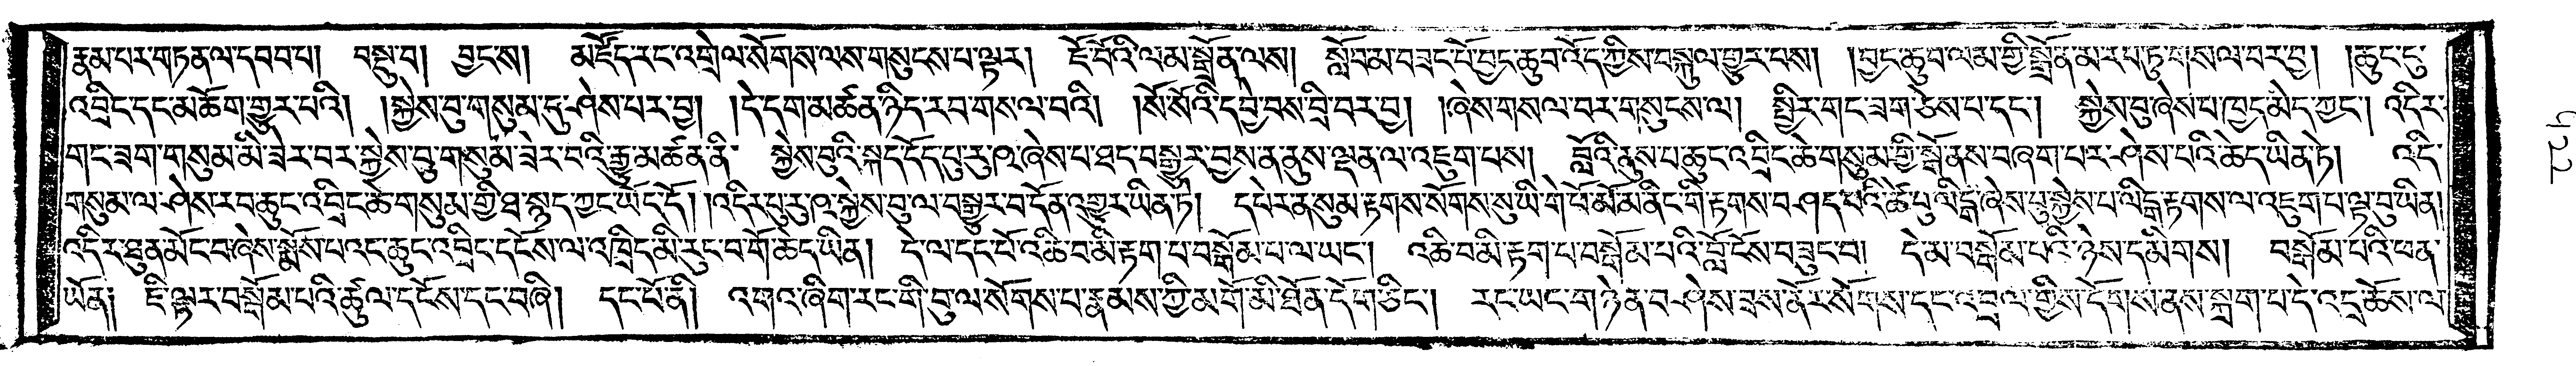རྣམ་པར་གཏན་ལ་དབབ་པ། བསྡུ་བ། བྱངས། མཛོད་རང་འགྲེལ་སོགས་ལས་གསུངས་བ་ལྟར། ཇོ་བོའི་ལམ་སྒྲོན་ལས། སློབ་མ་བཟང་པོ་བྱང་ཆུབ་འོད་ཀྱིས་བསྐུལ་གྱུར་བས། །བྱང་ཆུབ་ལམ་གྱི་སྒྲོན་མ་རབ་ཏུ་གསལ་བར་བྱ། །ཆུང་ངུ་
འབྲིང་དང་མཆོག་གྱུར་པའི། །སྐྱེས་བུ་གསུམ་དུ་ཤེས་པར་བྱ། །དེ་དག་མཚན་ཉིད་རབ་གསལ་བའི། །སོ་སོའི་དབྱེ་བས་བྲི་བར་བྱ། །ཞེས་གསལ་བར་གསུངས་ལ། སྤྱིར་གང་ཟག་ཅེས་པ་དང་། སྐྱེས་བུ་ཞེས་པ་ཁྱད་མེད་ཀྱང་། འདིར་
གང་ཟག་གསུམ་མི་ཟེར་བར་སྐྱེས་བུ་གསུམ་ཟེར་བའི་རྒྱུ་མཚན་ནི། སྐྱེས་བུའི་སྐད་དོད་བུ་རུ་ཥ་ཞེས་པ་ཐབ་བསྒྱུར་བྱས་ན་ནུས་ལྡན་ལ་འཇུག་པས། བློའི་ནུས་པ་ཆུང་འབྲིང་ཆེ་གསུམ་གྱི་སྒོ་ནས་བཞག་པར་ཤེས་པའི་ཆེད་ཡིན་ཏེ། འདི་
གསུམ་ལ་ཤེས་རབ་ཆུང་འཕྲིང་ཆེ་གསུམ་གྱི་ཐ་སྙད་ཀྱང་ཡོད་དོ། །འདིར་པུ་རུ་ཥ་སྐྱེས་བུ་ལ་བསྒྱུར་བ་དོན་འགྱུར་ཡིན་ཏེ། དཔེར་ན་སུམ་རྟགས་སོགས་སུ་ཡི་གེ་ཕོ་མོ་མ་ནིང་གི་རྟགས་བཤད་པའི་ཚེ་པུ་ལིངྒ་ཞེས་བུ་སྐྱེས་པ་ལིང་ག་རྟགས་ལ་འཇུག་པ་ལྟ་བུ་ཡིན།
འདིར་ཐུན་མོང་བ་ཞེས་སྨོས་པའང་ཆུང་འབྲིང་དངོས་ལ་འཁྲིད་མི་རུང་བ་གོ་ཆད་ཡིན། དེ་ལ་དང་པོ་འཆི་བ་མི་རྟག་པ་བསྒོམ་པ་ལ་ཡང་། འཆི་བ་མི་རྟག་པ་བསྒོམ་པའི་བློ་ངོས་བཟུང་བ། དེ་མ་བསྒོམ་པའི་ཉེས་དམིགས། བསྒོམ་པའི་ཕན་
ཡོན། ཇི་ལྟར་བསྒོམ་པའི་ཚུལ་དངོས་དང་བཞི། དང་པོ་ནི། འགའ་ཞིག་རང་གི་བུ་ལ་སོགས་པ་རྣམས་ཀྱི་མགོ་མི་ཐོན་དོག་ཅིང་། རང་ཡང་གཉེན་བཤེས་ཟས་ནོར་སོགས་དང་འབྲལ་གྱིས་དོགས་ནས་སྐྲག་པ་དེ་འདྲ་ཆོས་ལ་